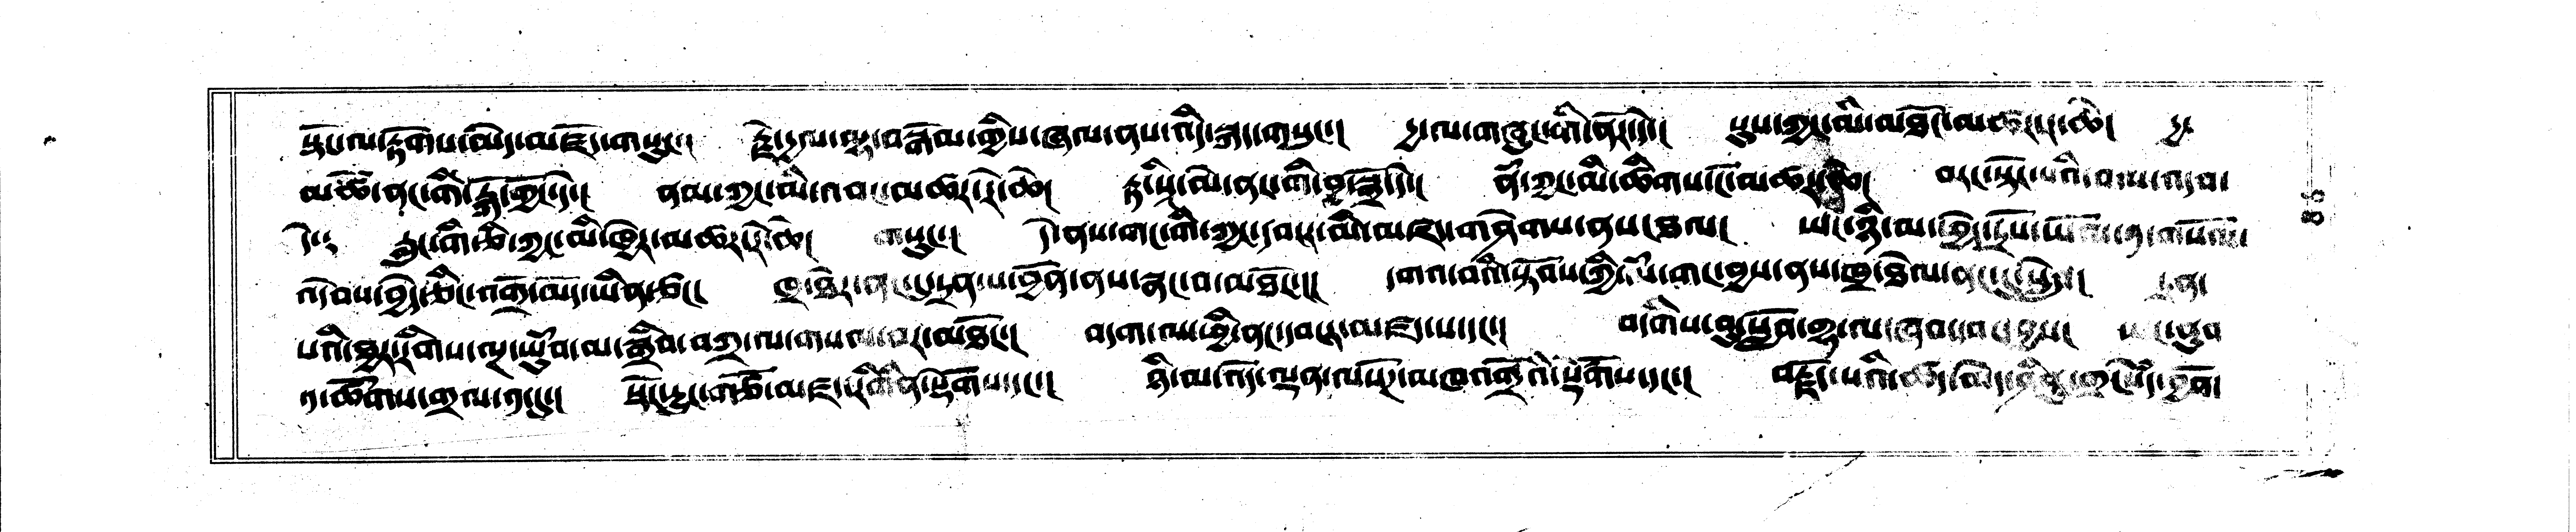སྟོང་ལ་རྟོགས་མེད་མཛོད་གསུངས། རྗེ་རྒྱལ་ལྷ་སྒོམ་གྱིས་ཞལ་ནས་འདི་སྐད་གསུངས། རྒྱ་ལ་གཞུང་གི་ནོར་དེ། སུས་ཀྱང་མི་མཐོང་མཚར་ར་ཆེ། རྒྱ་
མཚོ་ནང་གི་རྐོ་གྱོང་དེ། ནམ་ཀྱང་མི་འབང་མཚར་རེ་ཆེ། རྟ་སཱི་མེ་ནང་གི་བྱ་སྒྲོ་དེ། ནམ་ཀྱང་མི་ཚིགས་ངོ་མཚར་ཆེ། བར་སྣང་སྟོང་པའི་བལ་འདབ་
དེ། རླུང་གི་ཅི་ཀྱང་མི་ཁྱེར་མཚར་རེ་ཆེ། གསུངས། དེ་ནས་གང་གི་ཀྱང་དབང་བསྐུར་མི་མཛད་གཤེགས་ནས་ཐལ། ཡང་ཉི་མ་ཕྱེད་དྲོས་ཡོལ་ན་གསོལ་
འདེབས་བྱེད་ཅིང་འགྲོ་མོད་ཡིན་ཙ། ཁྲ་ཐེར་ནང་དུ་དྲན་པ་བྱོན་ནས་སྣང་བ་མཐོང་། དགའ་བའི་སྟོབས་ཀྱི་ལམ་གང་བྱས་ནས་ཁྲ་ཐེར་ནང་དུ་སླེབས། དྲན་
པའི་ཐུགས་ཁར་རིགས་ལྔ་ཡབ་ཡུམ་མ་སྒྲིབ་བཀྲ་ལ་གསལ་བར་མཐོང་། བདག་ལ་ཕྱི་ནང་དབང་བསྐུར་མཛད་པ་དང་། བདག་གིས་བུ་སློབ་གྷ་༼འགའ༽ལ་ཞབས་དབང་བྱས། ཡང་ནུབ་
གཅིག་ཚོགས་གྲལ་གཅིག་ཏུ། སྟོང་རྒྱུང་གཙོ་མཛད་རིག་འཛིན་སྡེ་ཚོགས་དང་། ཉི་མ་འོད་ལྡན་ལ་སོགས་མཁའ་འགྲོའི་སྡེ་ཚོགས་དང་། བརྗོད་པའི་ཚད་མེད་ཤིན་ཏུ་གྲངས་མེད་བྱོན་